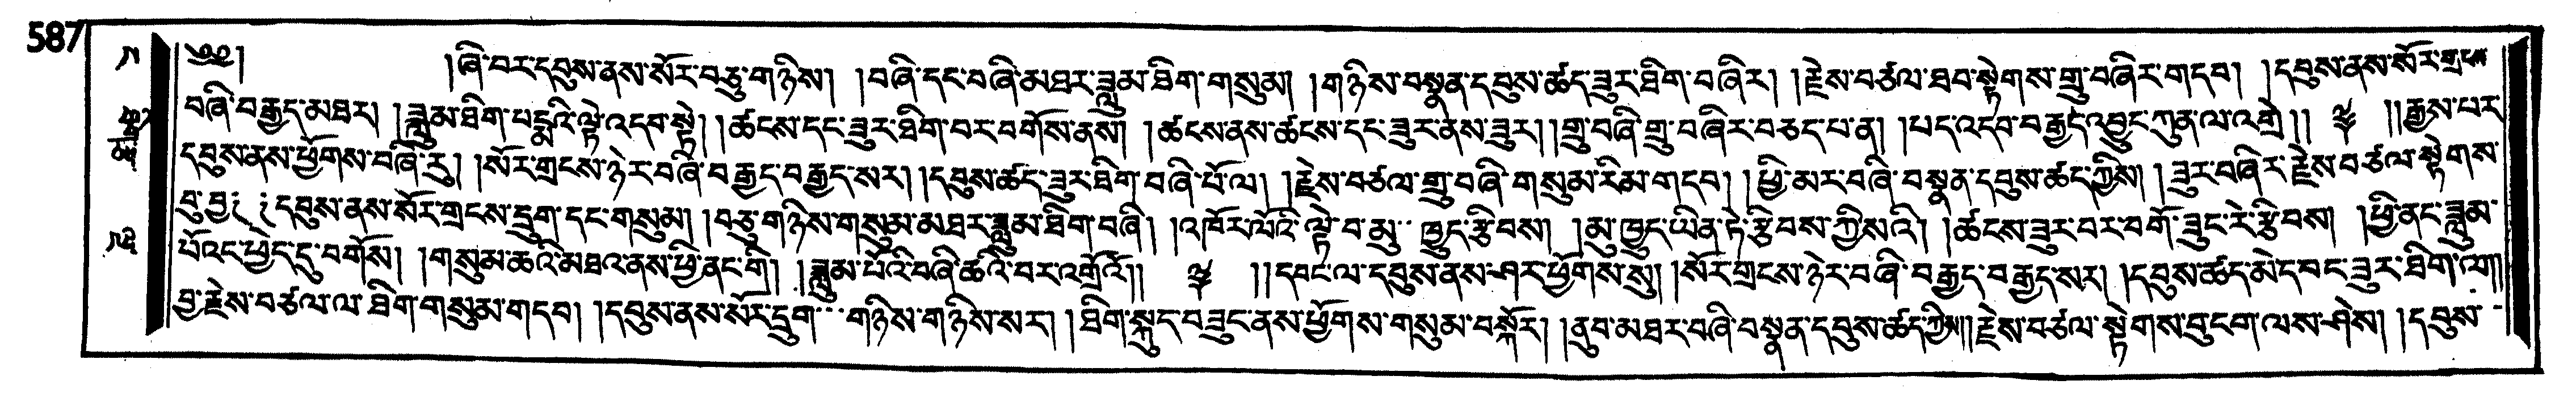༄༅། །ཞི་བར་དབུས་ནས་སོར་བཅུ་གཉིས། །བཞི་དང་བཞི་མཐར་ཟླུམ་ཐིག་གསུམ། །གཉིས་བསྣན་དབུས་ཚད་ཟུར་ཐིག་བཞིར། །རྗེས་བཙལ་ཐབ་སྟེགས་གྲུ་བཞིར་གདབ། །དབུས་ནས་སོར་གྲངས་
བཞི་བརྒྱད་མཐར། །ཟླུམ་ཐིག་པདམའི་ལྟེ་འདབ་སྟེ། །ཚངས་དང་ཟུར་ཐིག་བར་བགོས་ནས། །ཚངས་ནས་ཚངས་དང་ཟུར་ནས་ཟུར། །གྲུ་བཞི་གྲུ་བཞིར་བཅད་པ་ན། །པད་འདབ་བརྒྱད་འབྱུང་ཀུན་ལ་འགྲེ།། འ་།།རྒྱས་པར་
དབུས་ནས་ཕྱོགས་བཞི་རུ། །སོར་གྲངས་ཉེར་བཞི་བརྒྱད་བརྒྱད་སར། །དབུས་ཚད་ཟུར་ཐིག་བཞི་པོ་ལ། །རྗེས་བཙལ་གྲུ་བཞི་གསུམ་རིམ་གདབ། །ཕྱི་མར་བཞི་བསྣན་དབུས་ཚད་ཀྱིས། །ཟུར་བཞིར་རྗེས་བཙལ་སྟེགས་
བུ་བྱ༑ ༑དབུས་ནས་སོར་གྲངས་དྲུག་དང་གསུམ། །བཅུ་གཉིས་གསུམ་མཐར་ཟླུམ་ཐིག་བཞི། །འཁོར་ལོའི་ལྟེ་བ་མུ་ཁྱུད་རྩིབས། །མུ་ཁྱུད་ཡིན་ཏེ་རྩིབས་ཀྱི་སའི། །ཚངས་ཟུར་བར་བགོ་ཟུང་རེ་རྩིབས། །ཕྱི་ནང་ཟླུམ་
པོའང་ཕྱེད་དུ་བགོས། །གསུམ་ཆའི་མཐའ་ནས་ཕྱི་ནང་གི། །ཟླུམ་པོའི་བཞི་ཆའི་བར་འགྲོའོ།། འ་།།དབང་ལ་དབུས་ནས་ཤར་ཕྱོགས་སུ། །སོར་གྲངས་ཉེར་བཞི་བརྒྱད་བརྒྱད་སར། །དབུས་ཚད་མེད་བང་ཟུར་ཐིག་ལ།།
བྱ་རྗེས་བཙལ་ལ་ཐིག་གསུམ་གདབ། །དབུས་ནས་སོར་དྲུག་་་གཉིས་གཉིས་སར། །ཐིག་སྐུད་བཟུང་ནས་ཕྱོགས་གསུམ་བསྐོར། །ནུབ་མཐར་བཞི་བསྣན་དབུས་ཚད་ཀྱིས། །རྗེས་བཙལ་སྟེགས་བུ་ངག་ལས་ཤེས། །དབུས་་་